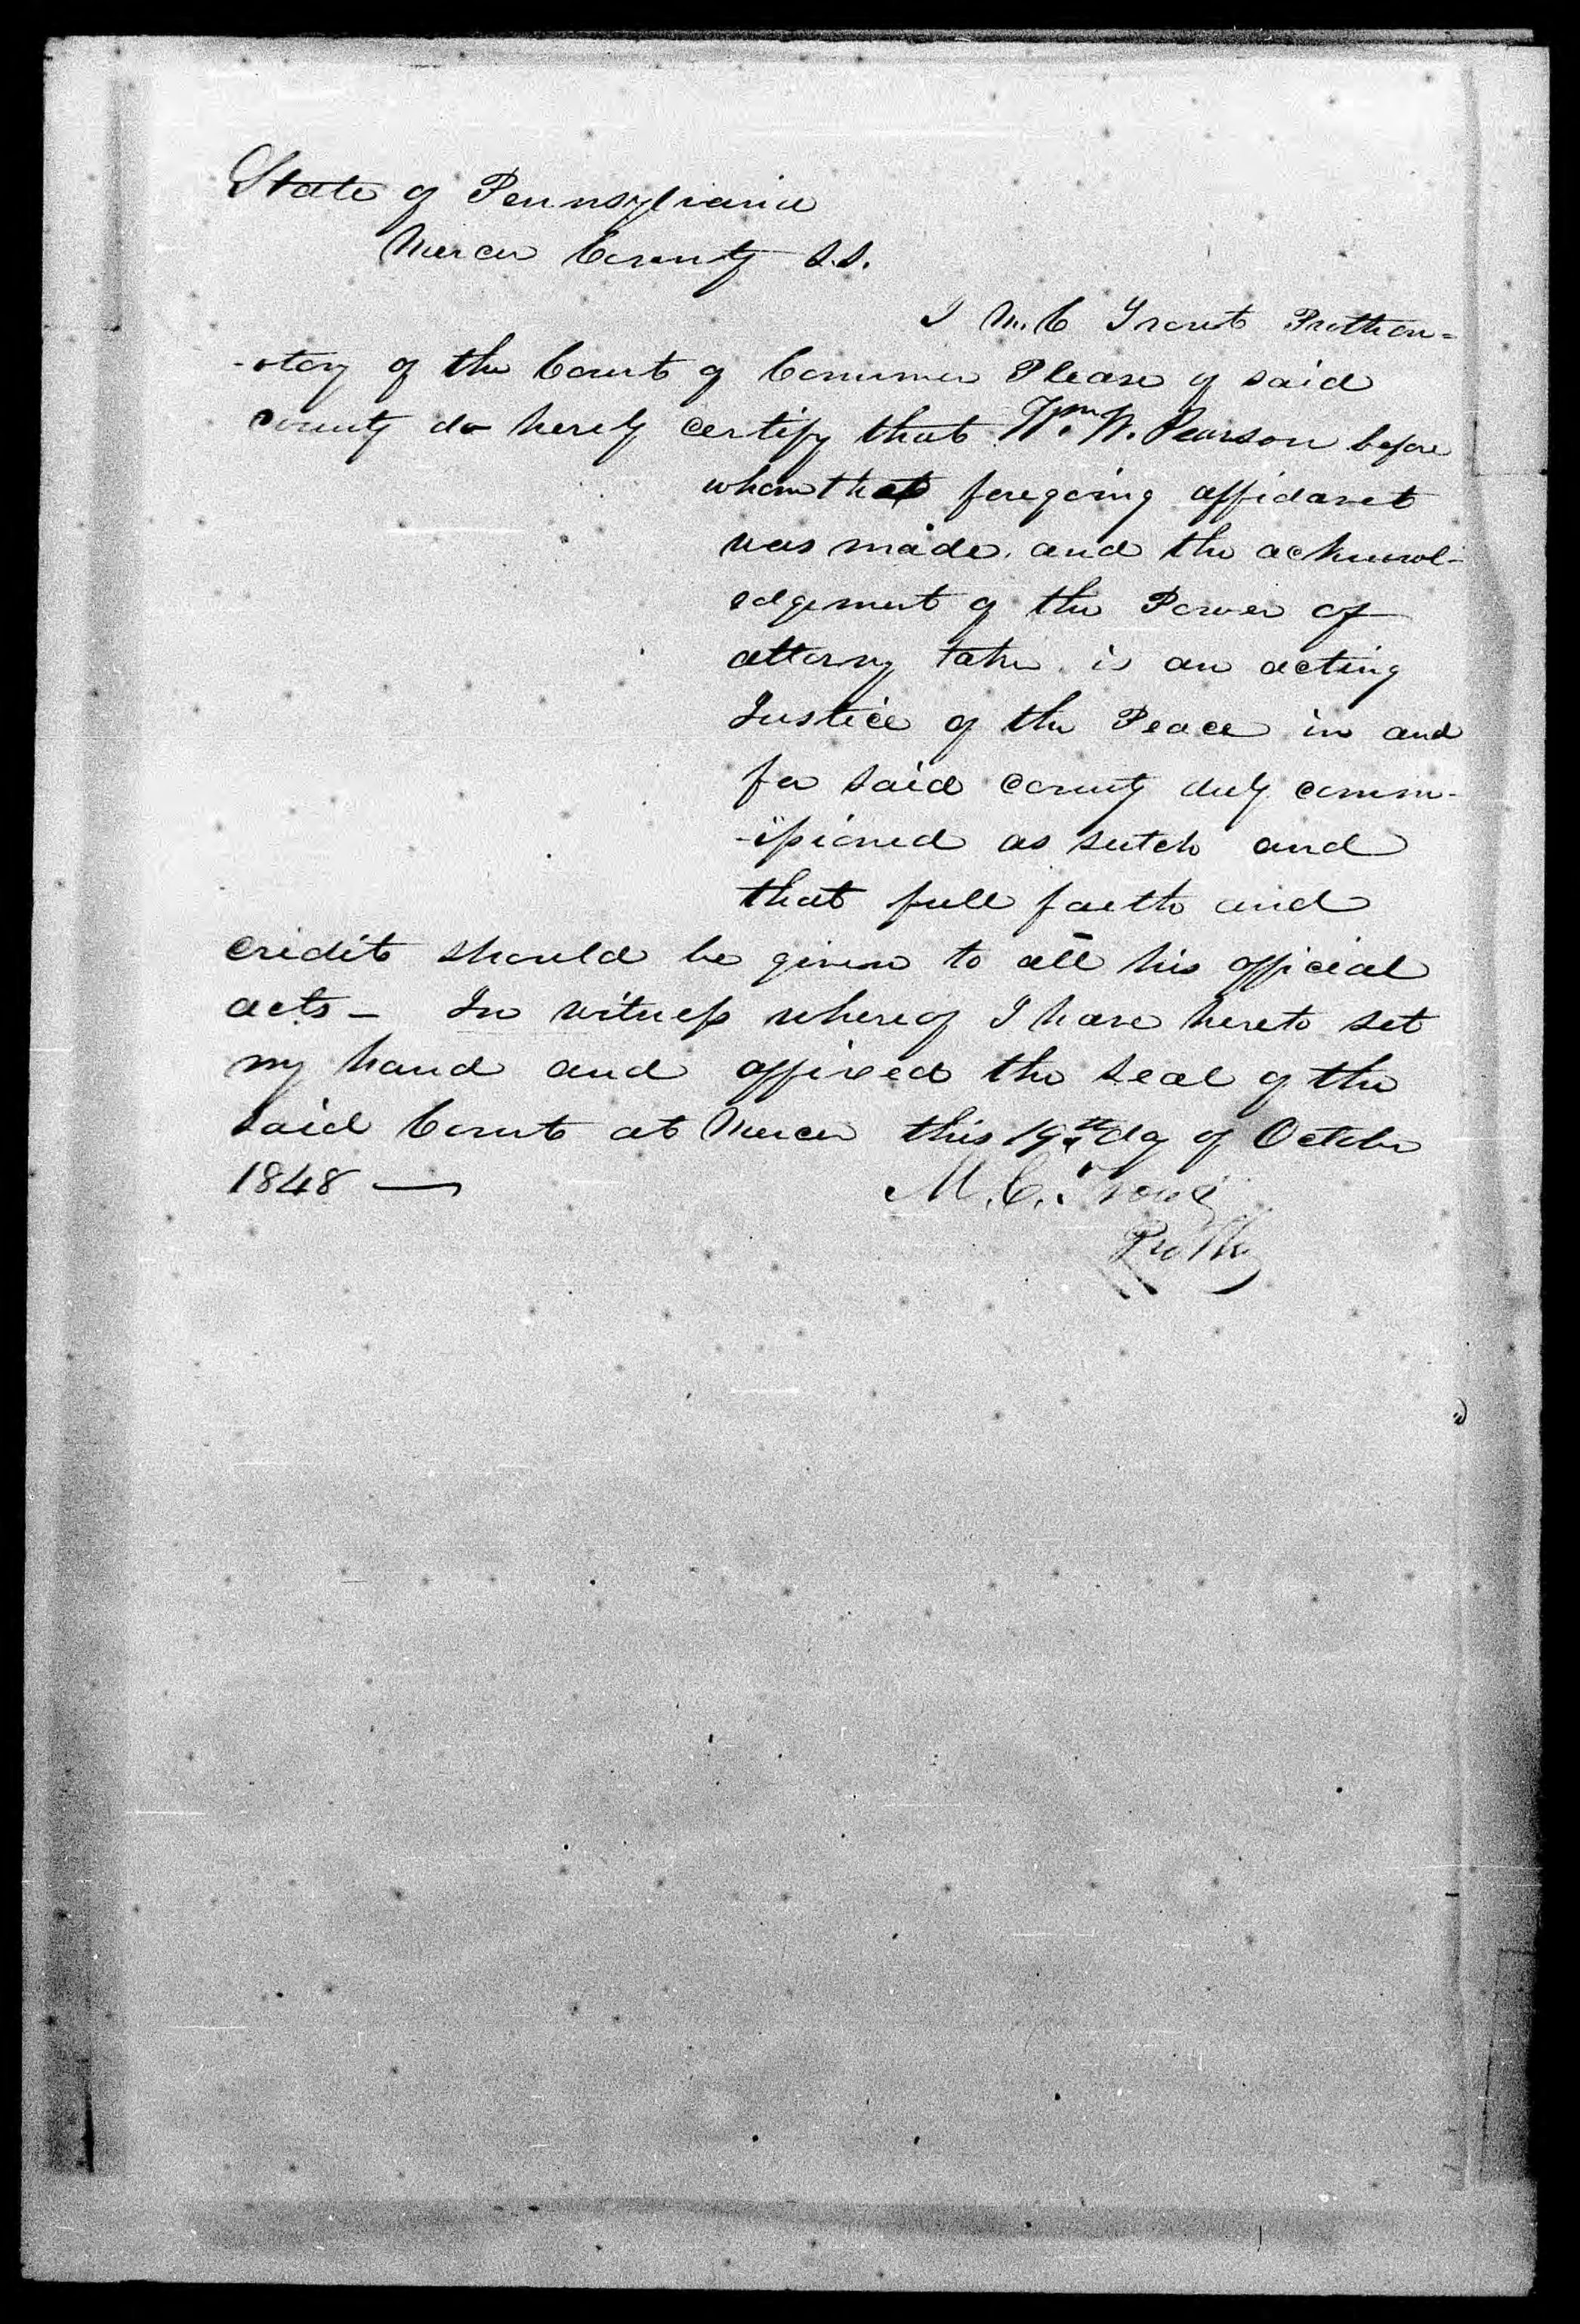State of Pennsylvania
Mercer County
I Mike Lacuts Prothonotary of the Courts of common Pleas of said county do hereby certify that Thomas N Pearson before whom that foregoing affidavit was made and the acknowledgement of the Power of Attorney taken is an acting Justice of the Peace in and for said county duly commissioned as such and that full faith and credit should be given to all his official acts In witness whereof I have hereto set my hand and affixed the seal of the said Court at Mercer this 19th day of October 1848
MC  Thomas Prothy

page: 49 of 59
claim: widow's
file: W 3703, for Robert Mc Donald, Pennsylvania